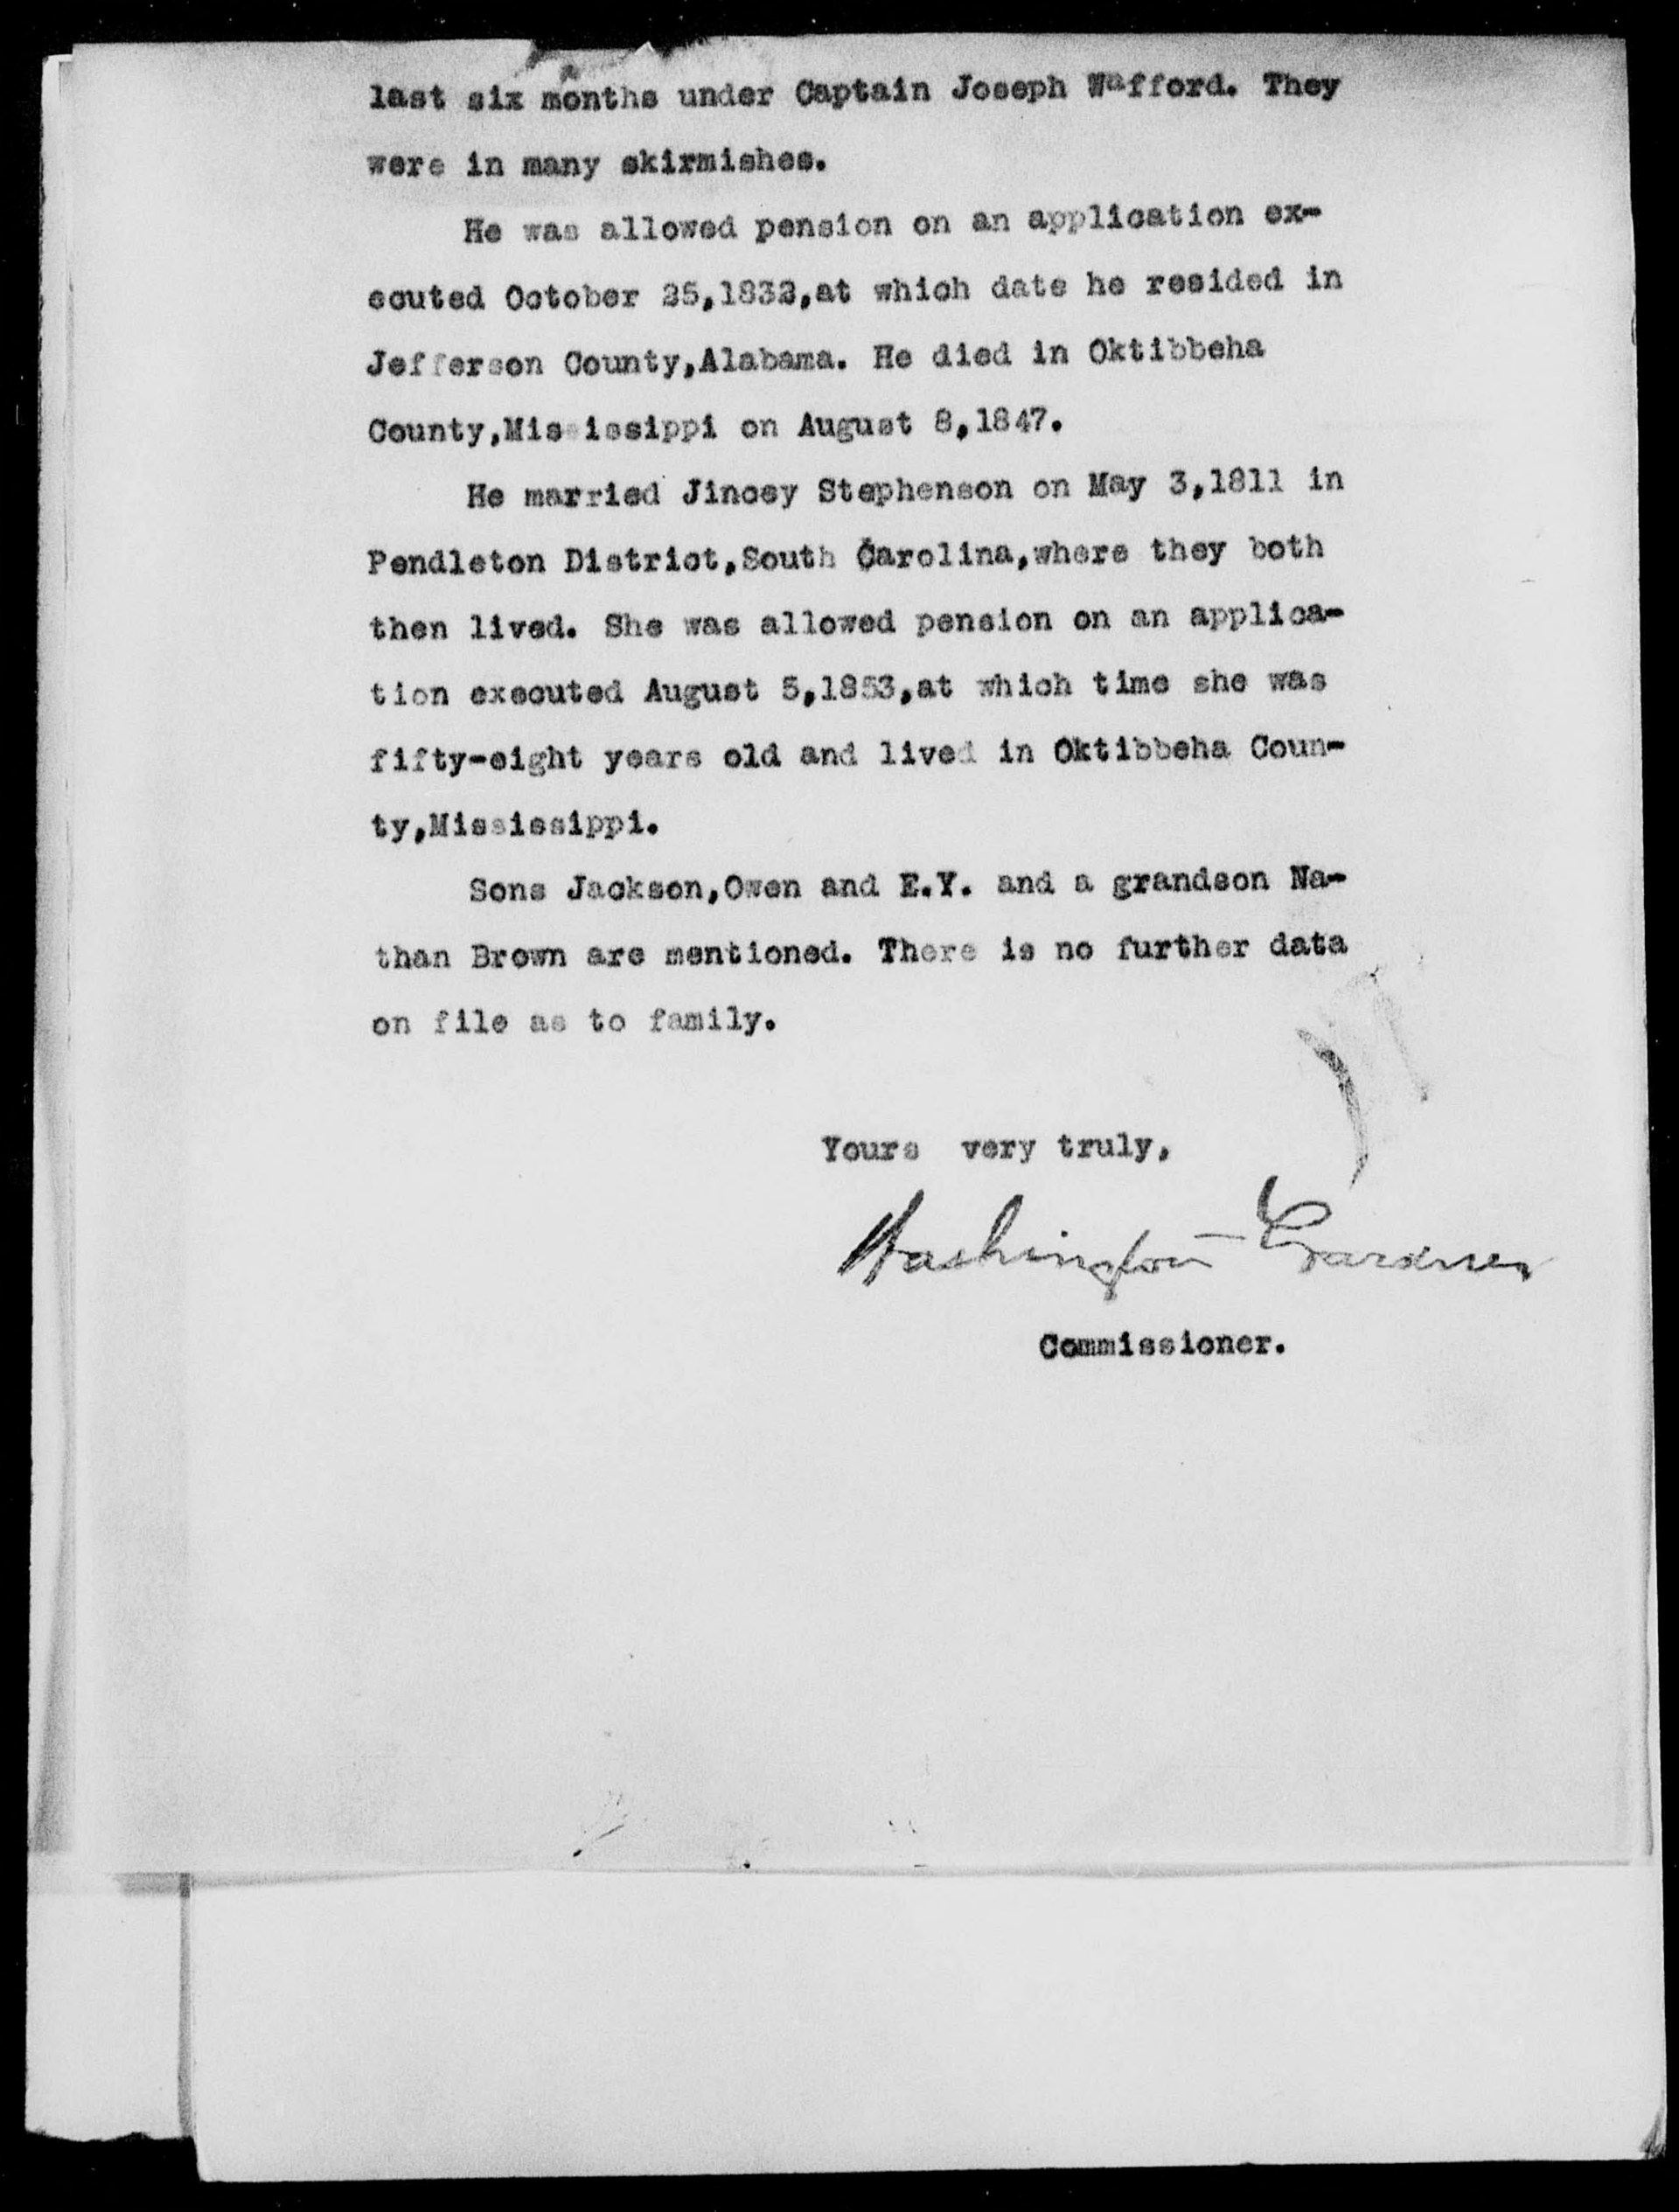last six months under Captain Joseph Wafford. They
were in many skirmishes.

He was allowed pension on an application executed
October 25, 1832, at which date he resided in
Jefferson County, Alabama. He died in Oktibbeha
County, Mississippi on August 8, 1847.

He married Jincey Stephenson on May 3, 1811 in
Pendleton District, South Carolina, where they both
then lived. She was allowed pension on an application
executed August 5, 1853, at which time she was
fifty-eight years old and lived in Oktibbeha County
ty, Mississippi.

Sons Jackson, Owen and E. Y. and a grandson Nathan
Brown are mentioned. There is no further data
on file as to family.

Yours very truly,
Washington Gardner [signature]
Commissioner.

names: Owen, Washington Gardner, Nathan Brown, Joseph Wafford, E Y, Jackson, Jincey Stephenson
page: 37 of 85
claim: widow's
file: W. 5,906, John Brown, S.C.